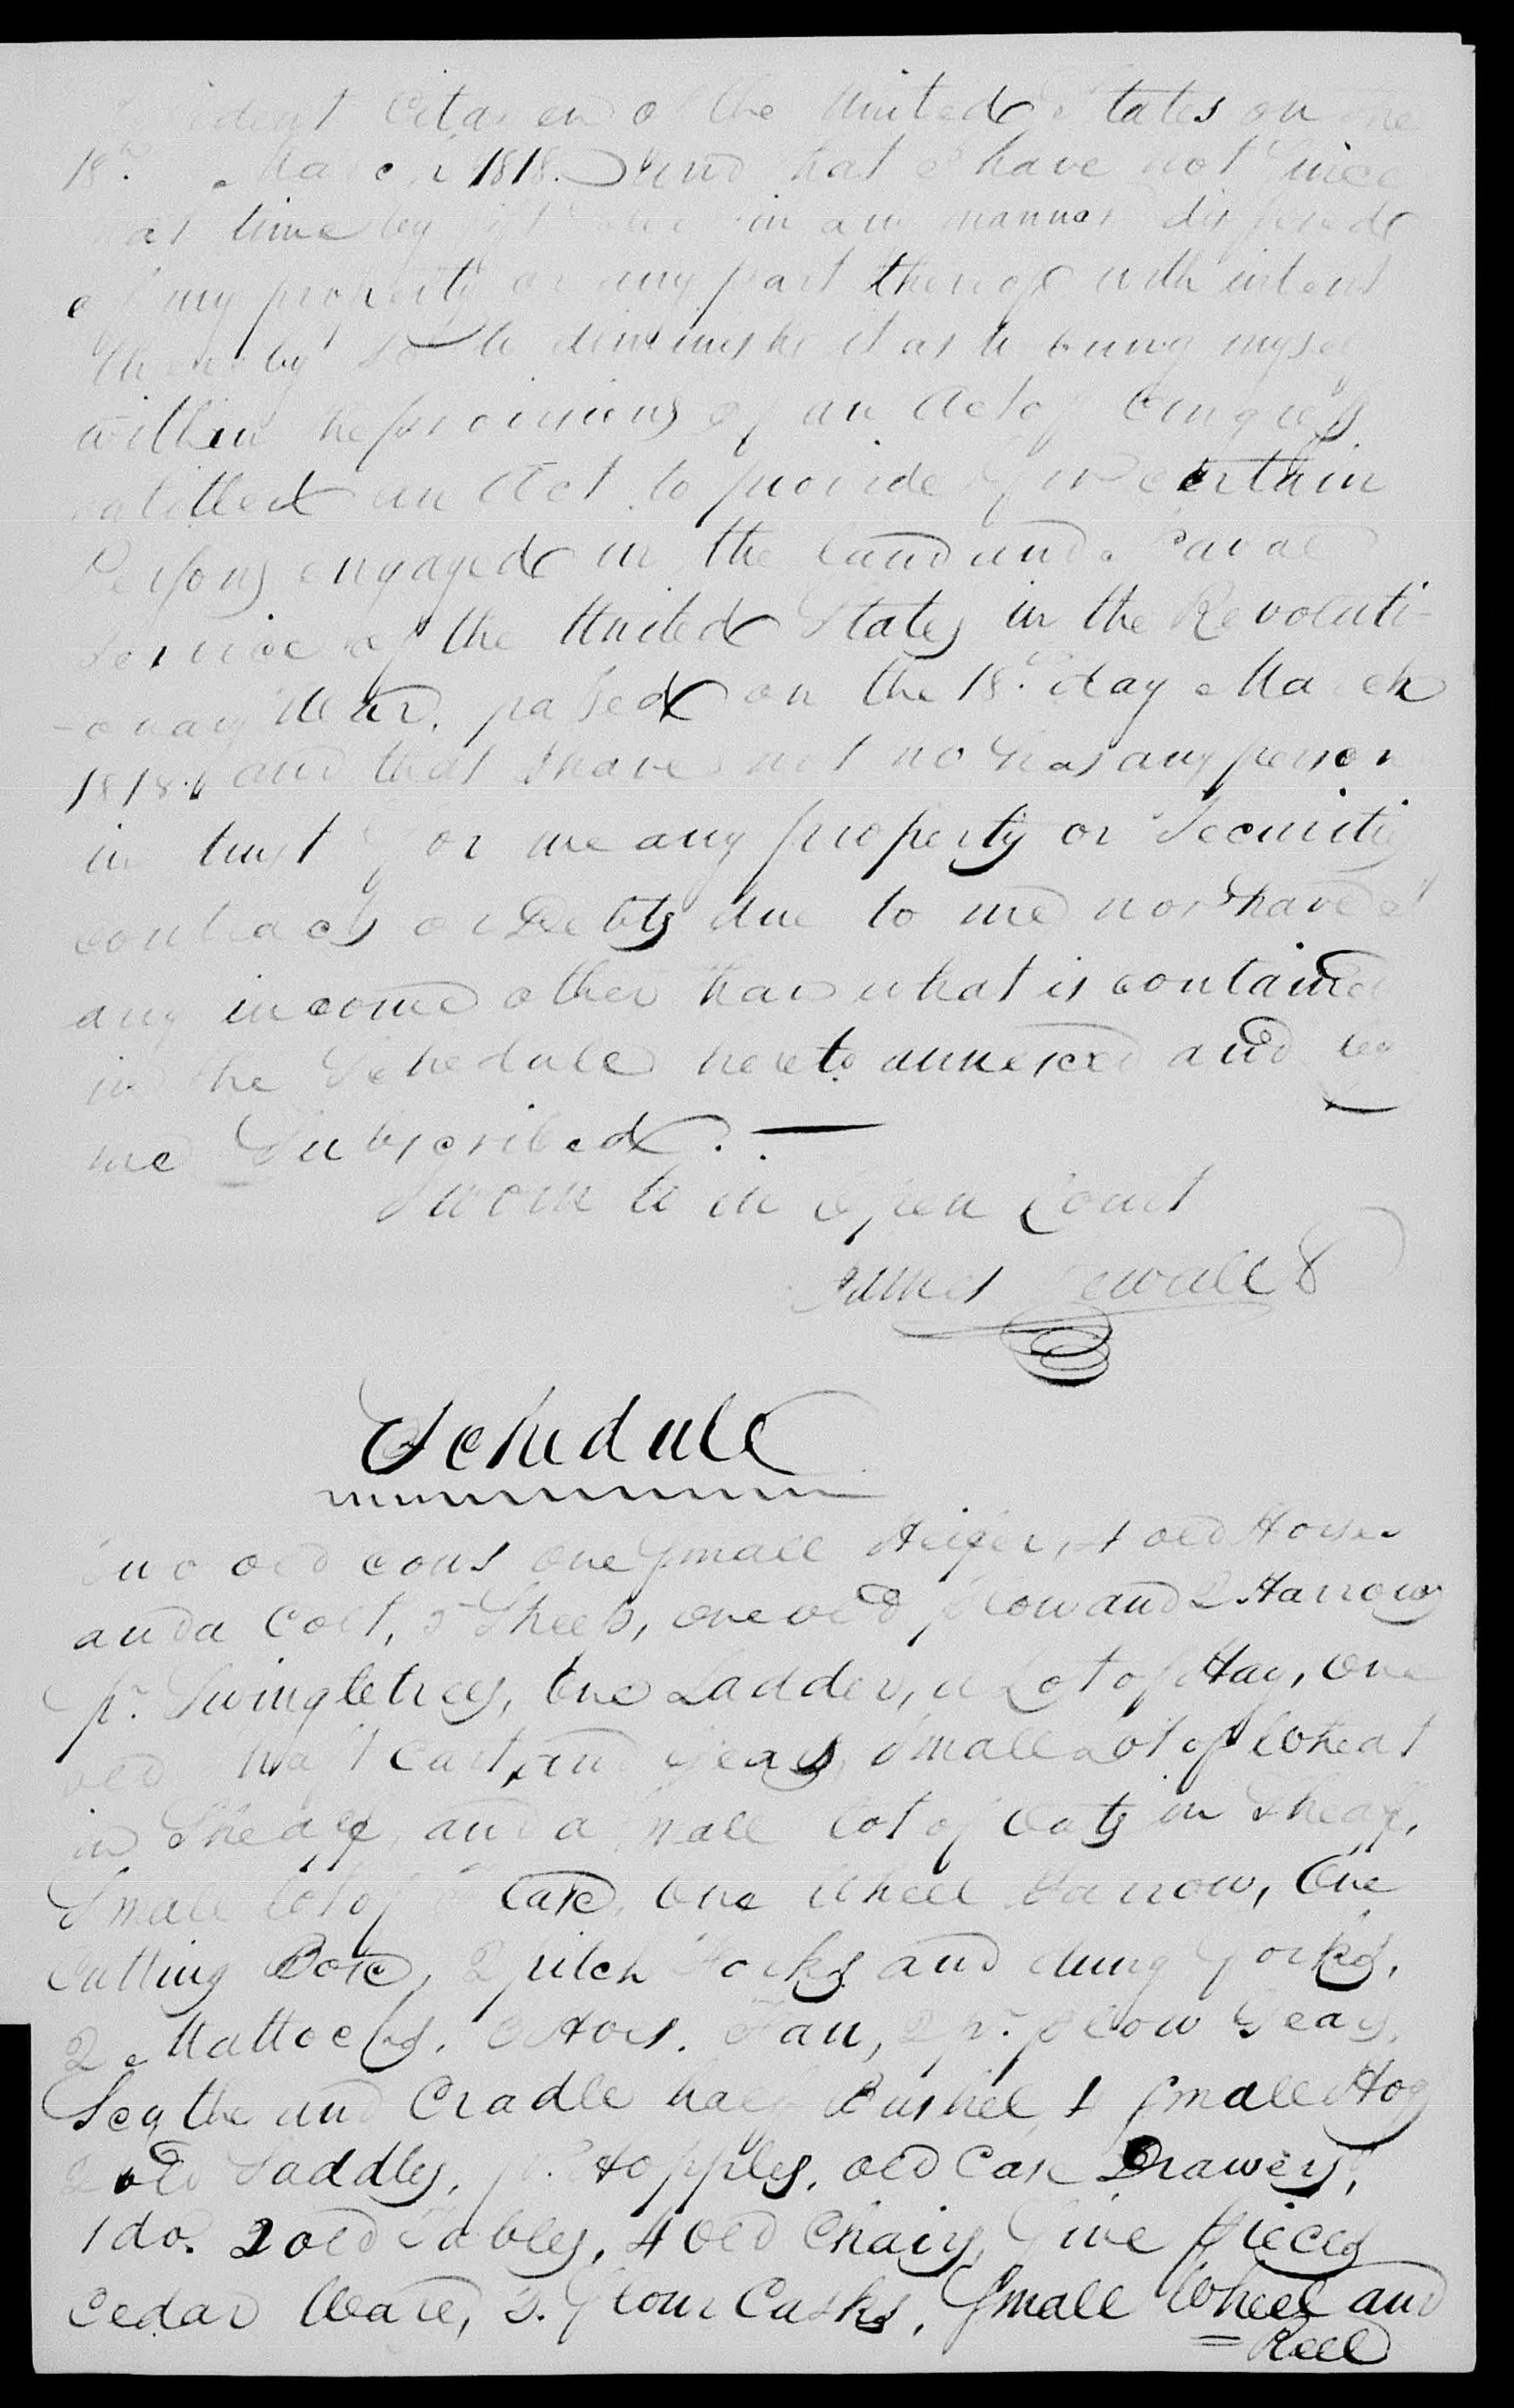resident citizen of the United States on the 18th of March 1818. And that I have not since that time [illeg.] in any manner dispensed of my property or any part thereof with intent thereby so to diminish it as to being myself within the provisions of the Act of Congress entitled and Act to provide for certain [illeg.] engaged in the law and [illeg.] service of the United States in the Revolutionary War. posted on the 18th day March 1818 and that I have not nor has any person in trust for me any property or Security contracts or debts due to me nor have I any income other than what is contained in the Schedule hereto [illeg.] and by me subscribed--

Sworn to the Open Court
James Sewall

Schedule
Two old cows, one small heifer, 4 old horses
and a colt, 5 sheep, one old plow and 2 harrowing [illeg.], Swing[ille.], one ladder, a lot of Hay, one old half cart gears, small lot of wheat in shed, and a small lot of oats in [illeg.], small lot of [illeg.], one wheel barrow, one cutting B[illeg.], 2 pitch forks and dung forks, 2 [illeg.], 3 Hort. Fall, 2 pc. plow gears, scythe and cradle half bushel and small hog, 2 old saddles, [illeg.] supplies, old can 1 do. 2 old tables, 4 old chairs, five pieces cedar ware, 3 flour casks, small wheel and reel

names: Howand Q Harrow, James Sewall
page: 10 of 74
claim: widow's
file: W. 9422, James Edgar, Penn.